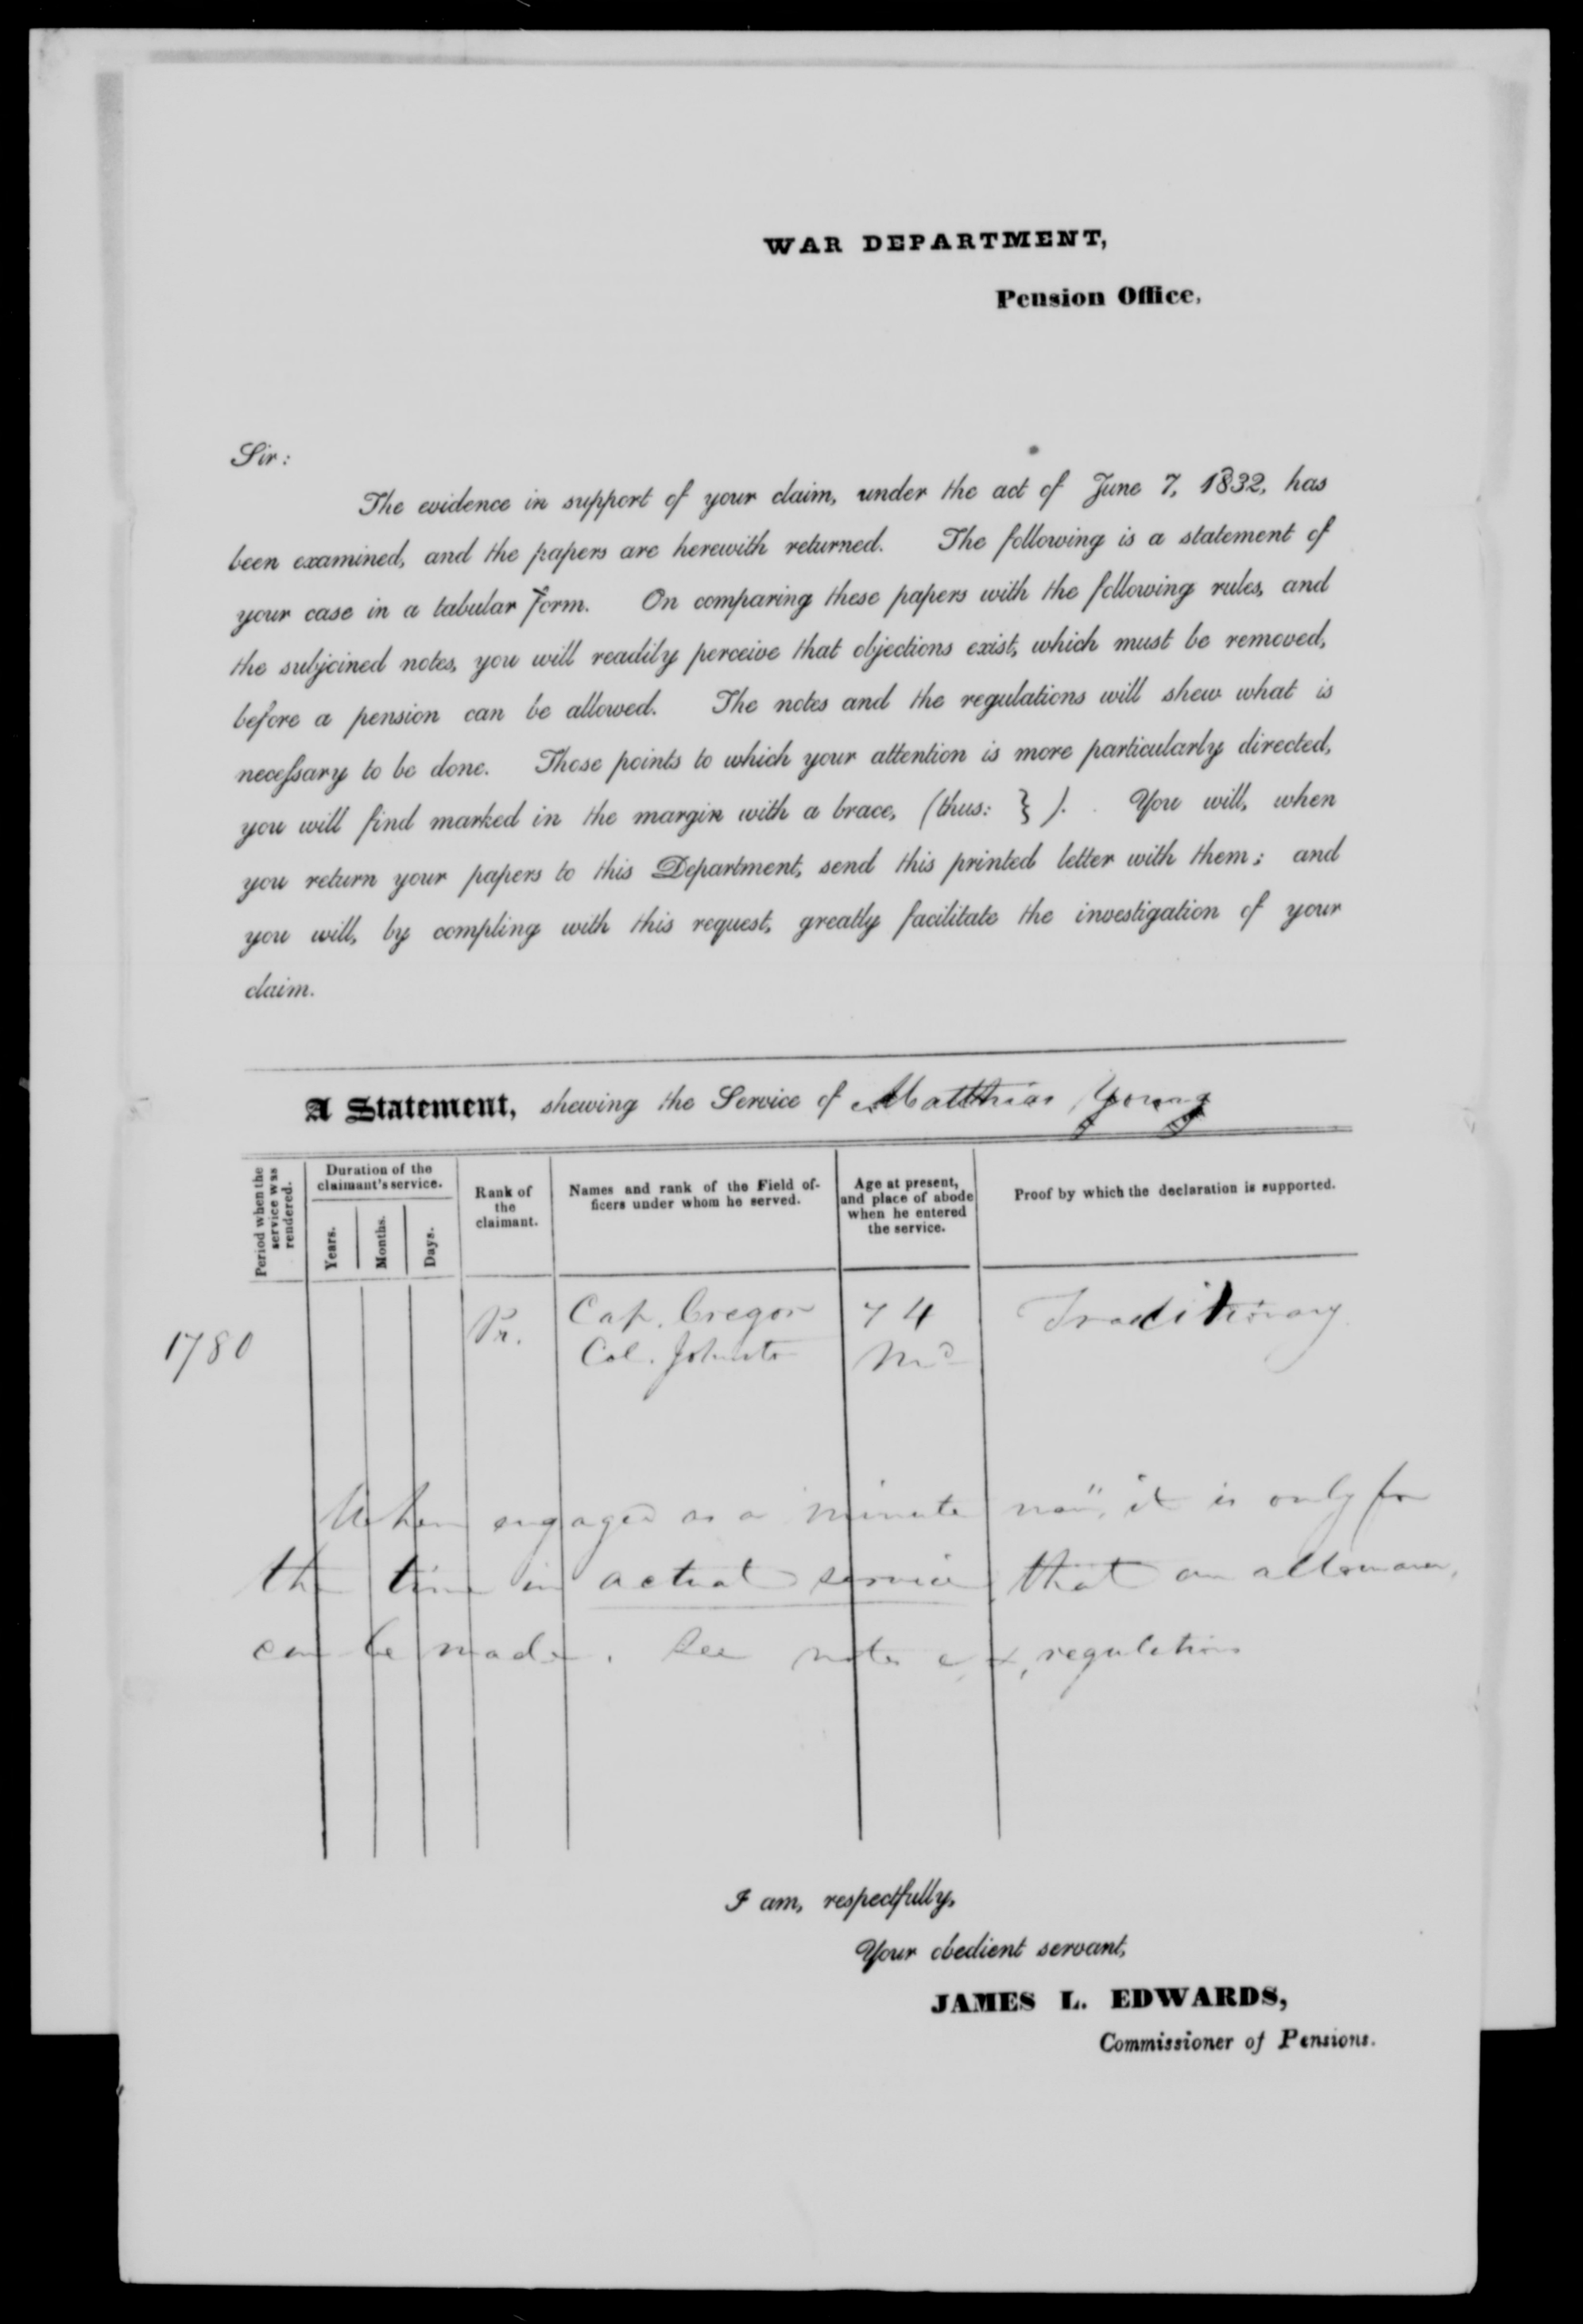Sir:
WAR DEPARTMENT,
Pension Office,
The evidence in support of your claim, under the act of June 7, 1832, has been examined, and the papers are herewith returned. The following is a statement of your case in a tabular form. On comparing these papers with the following rules, and the subjoined notes, you will readily perceive that objections exist, which must be removed, before a pension can be allowed. The notes and the regulations will shew what is necessary to be done. Those points to which your attention is more particularly directed,
you will find marked in the margin with a brace, (thus: }). You will, when you return your papers to this Department, send this printed letter with them; and you will, by compling with this request, greatly facilitate the investigation of your claim.

A Statement, showing the service of Matthias Young

Period when the service was rendered
1780

Duration of the claimant's service.
[blank]

Rank of the claimant
Pr.

Names and rank of the Field officers under whom he served.
Cap Cregor
Col. Johnston

Age at present, and place of abode when he entered
the service.
74 Md

Proof by which the declaration is supported.
Traditionary

When engaged as a “minute man”, it is only for 
the time in actual service that an allowance 
can be made. See note &c in regulations

I am, respectfully
Your obedient servant
JAMES L. EDWARDS,
Commissioner of Pensions.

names: Matthias Young, Johnston, Cregor, James L Edwards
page: 17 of 123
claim: rejected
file: R. 11,949, Matthias Young, Md.